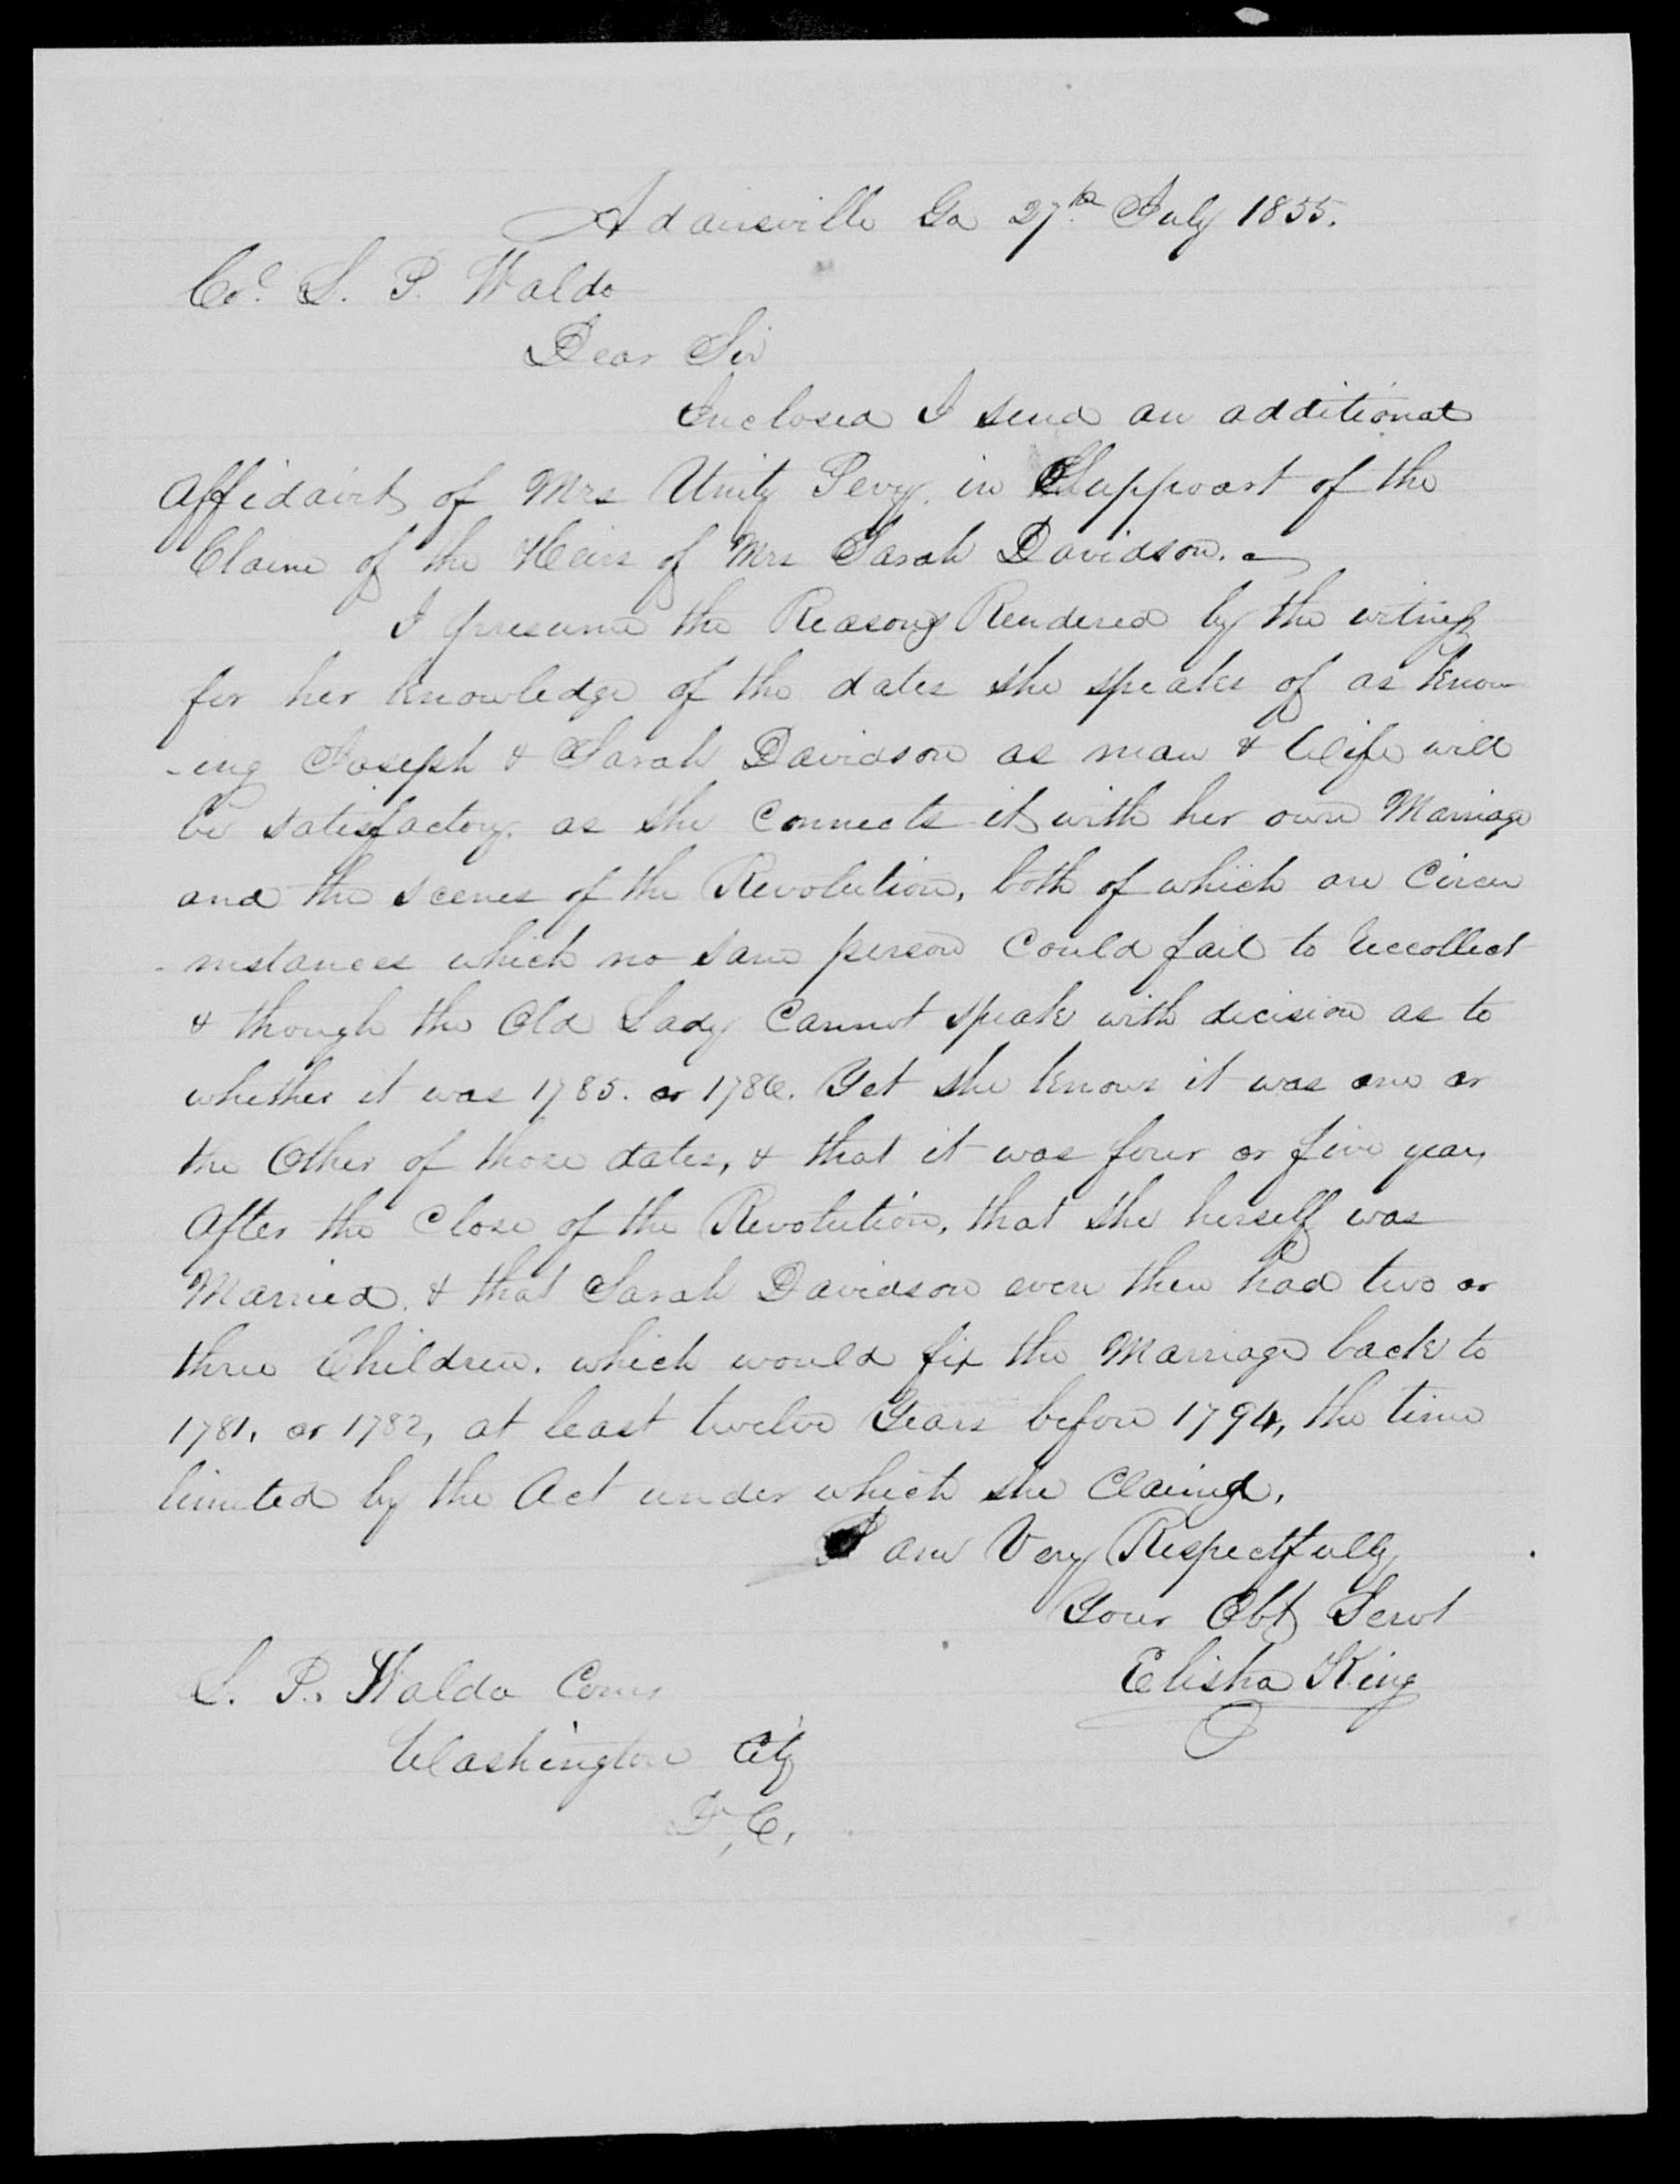Adairsville Ga 27th July 1855.
C. L. P. Waldo

Dear Sir
Enclosed I send an additional affidavit of Mrs Unity Levy in support of the Claim of the Heirs of Mrs Sarah Davidson.
I presume the Reason Rendered by the witness for her knowledge of the dates the speaks of as knowing Joseph & Sarah Davidson as man & wife will be satisfactory as she connect it with her own marriage and the scenes of the Revolution, both of which are circumstances which no sane person could fail to reccollect & though the old Lady cannot speak with decision as to whether it was 1785 or 1786, yet she knows it was one or the other of those dates, & that it was four or five years After the close of the Revolution, that she herself was Married & that Sarah Davidson even then had two or three Children, which would fix the Marriage back to 1781 or 1782, at least twelve years before 1794, the time limited by the act under which she claimed,
I am Very Respectfully
Your Obt Sert
Elisha King
P. Waldo Coms
Washington City
D.C.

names: L P Waldo, Unity Pevy, Sarah Davidson, Joseph Davidson, Sarah Davidson, Elisha King, L P Waldo, Sarah Davidson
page: 41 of 63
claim: widow's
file: W. 4175, Joseph Davidson, N.C.